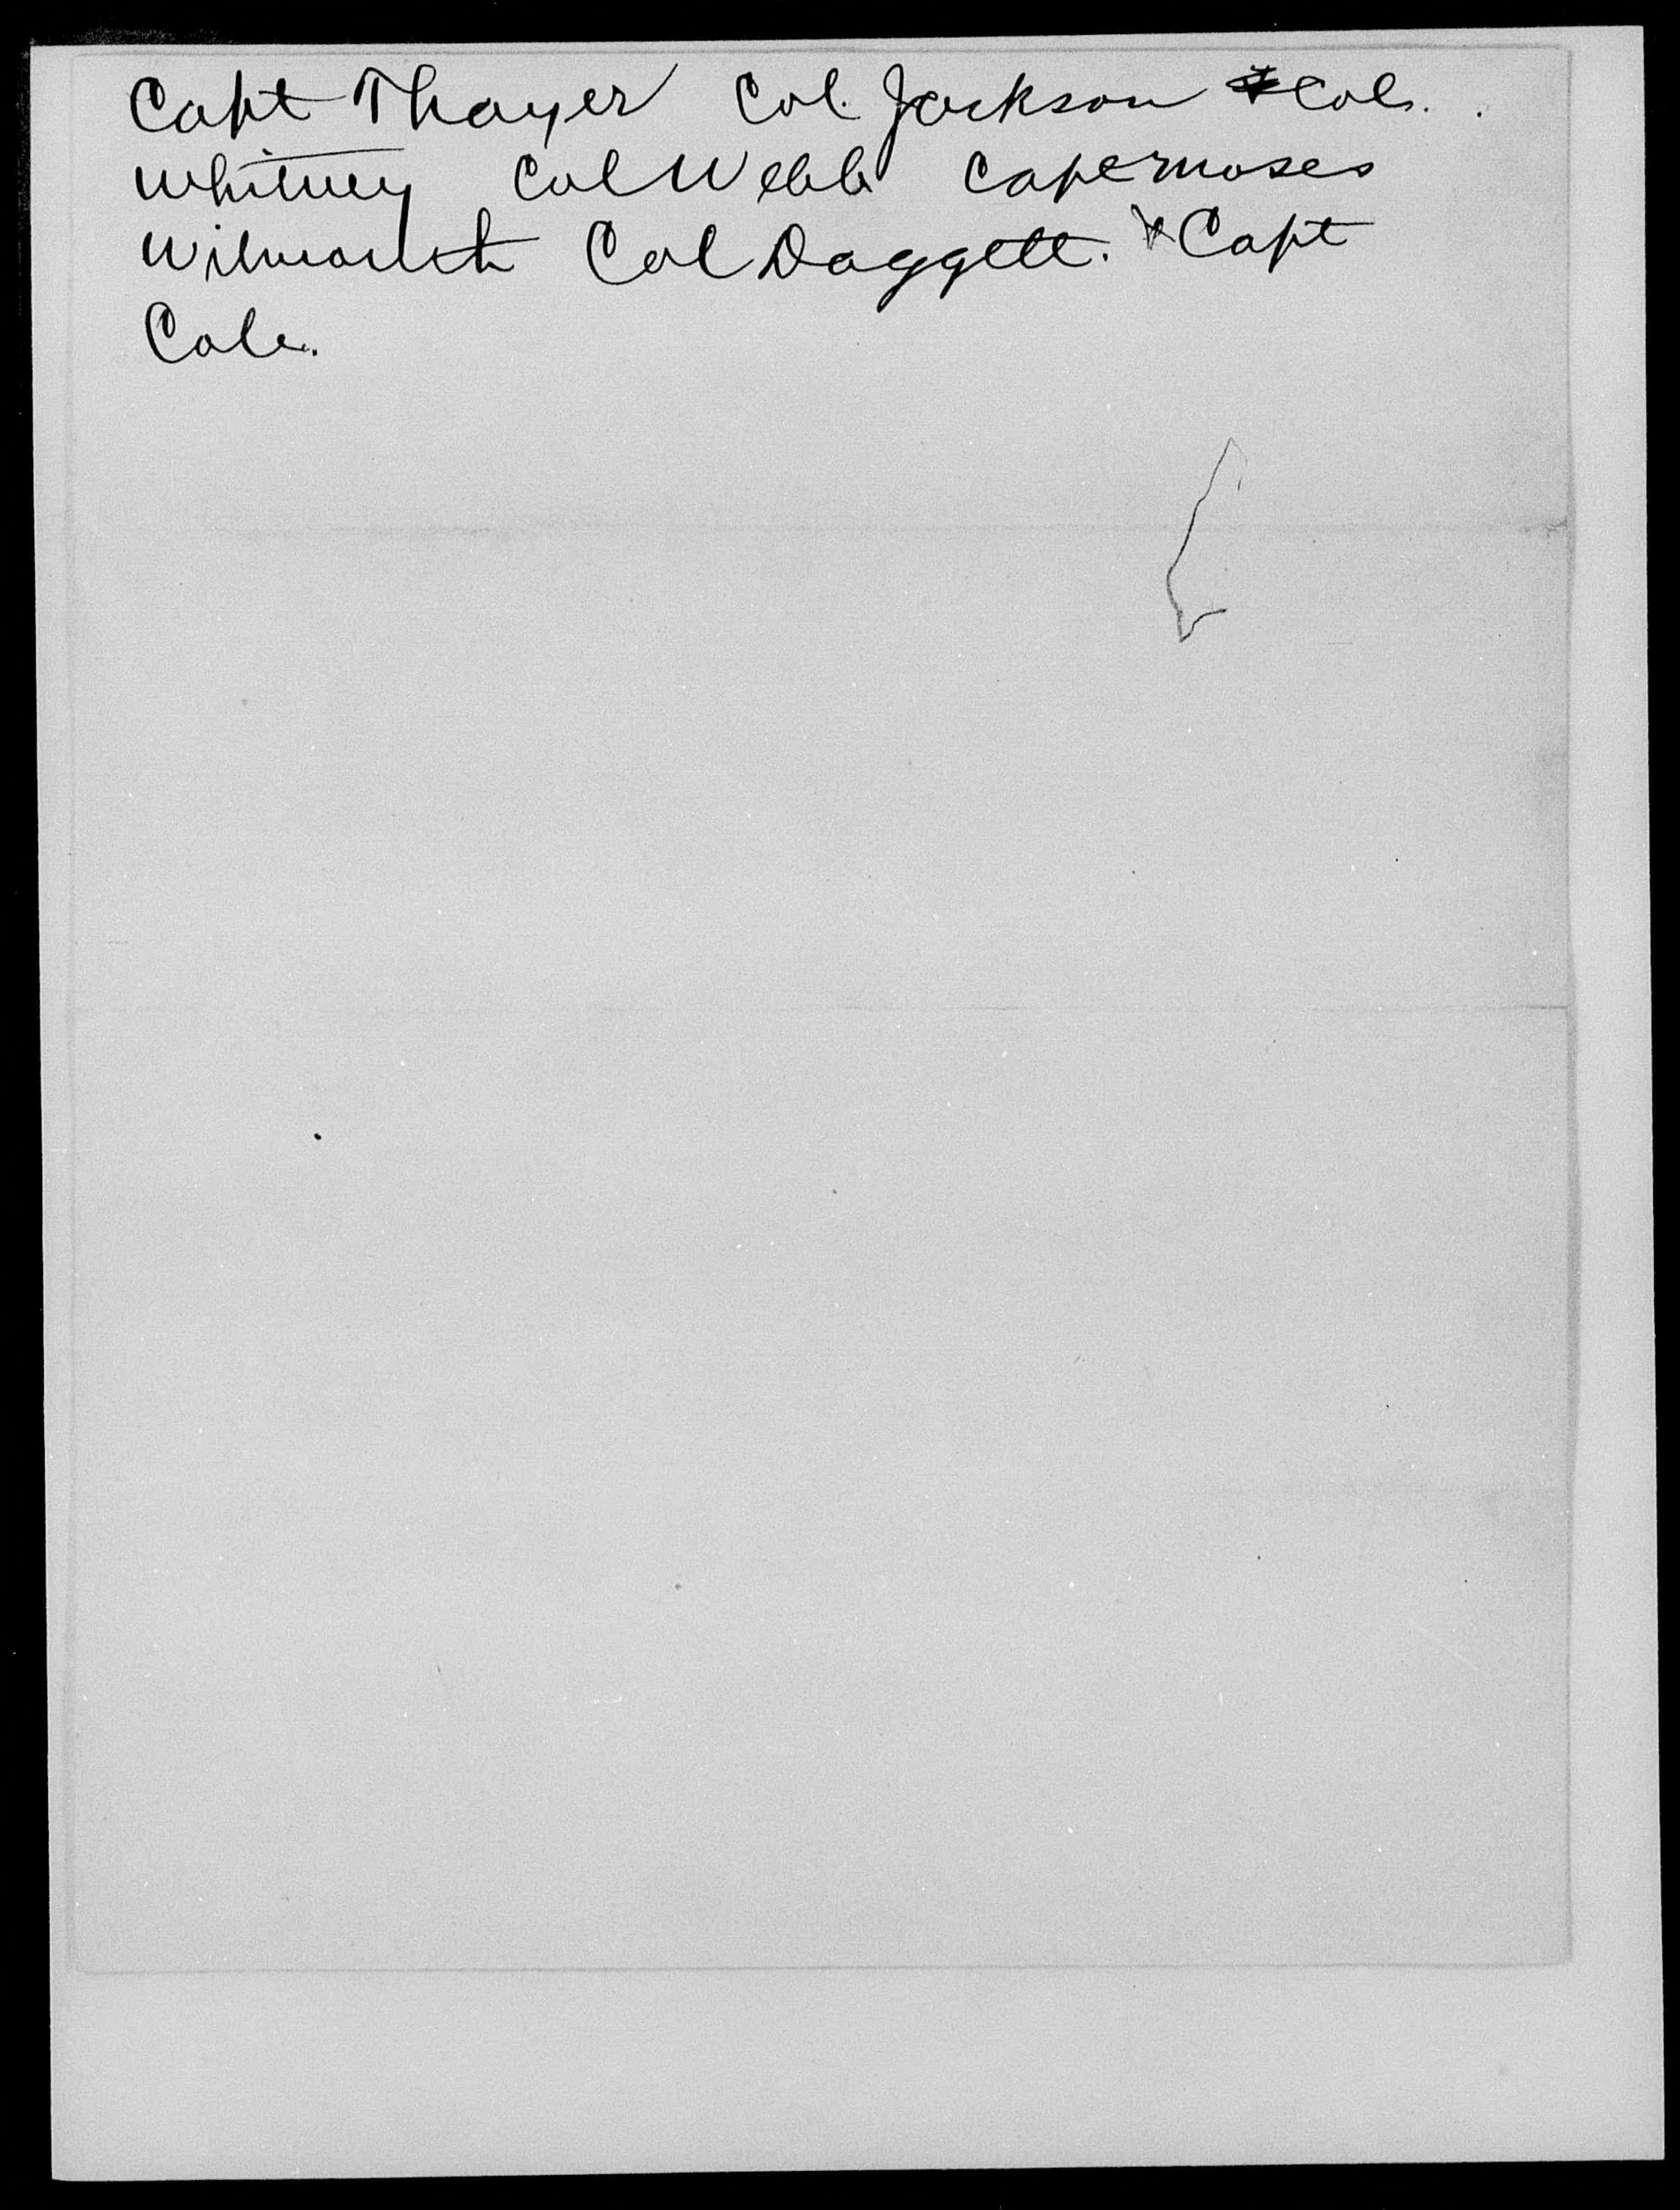Capt Thayer Col. Jackson [crossed out: &] Col Whitney Col Webb Capt Moses Wilmouth Col Daggett & Capt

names: [BLANK] Jackson; [BLANK] Whitney; Moses Wilmouth; [BLANK] Thayer; [BLANK] Cole; [BLANK] Webb; [BLANK] Daggett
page: 32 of 49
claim: widow's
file: W. 2164, for George Porter, Massachusetts